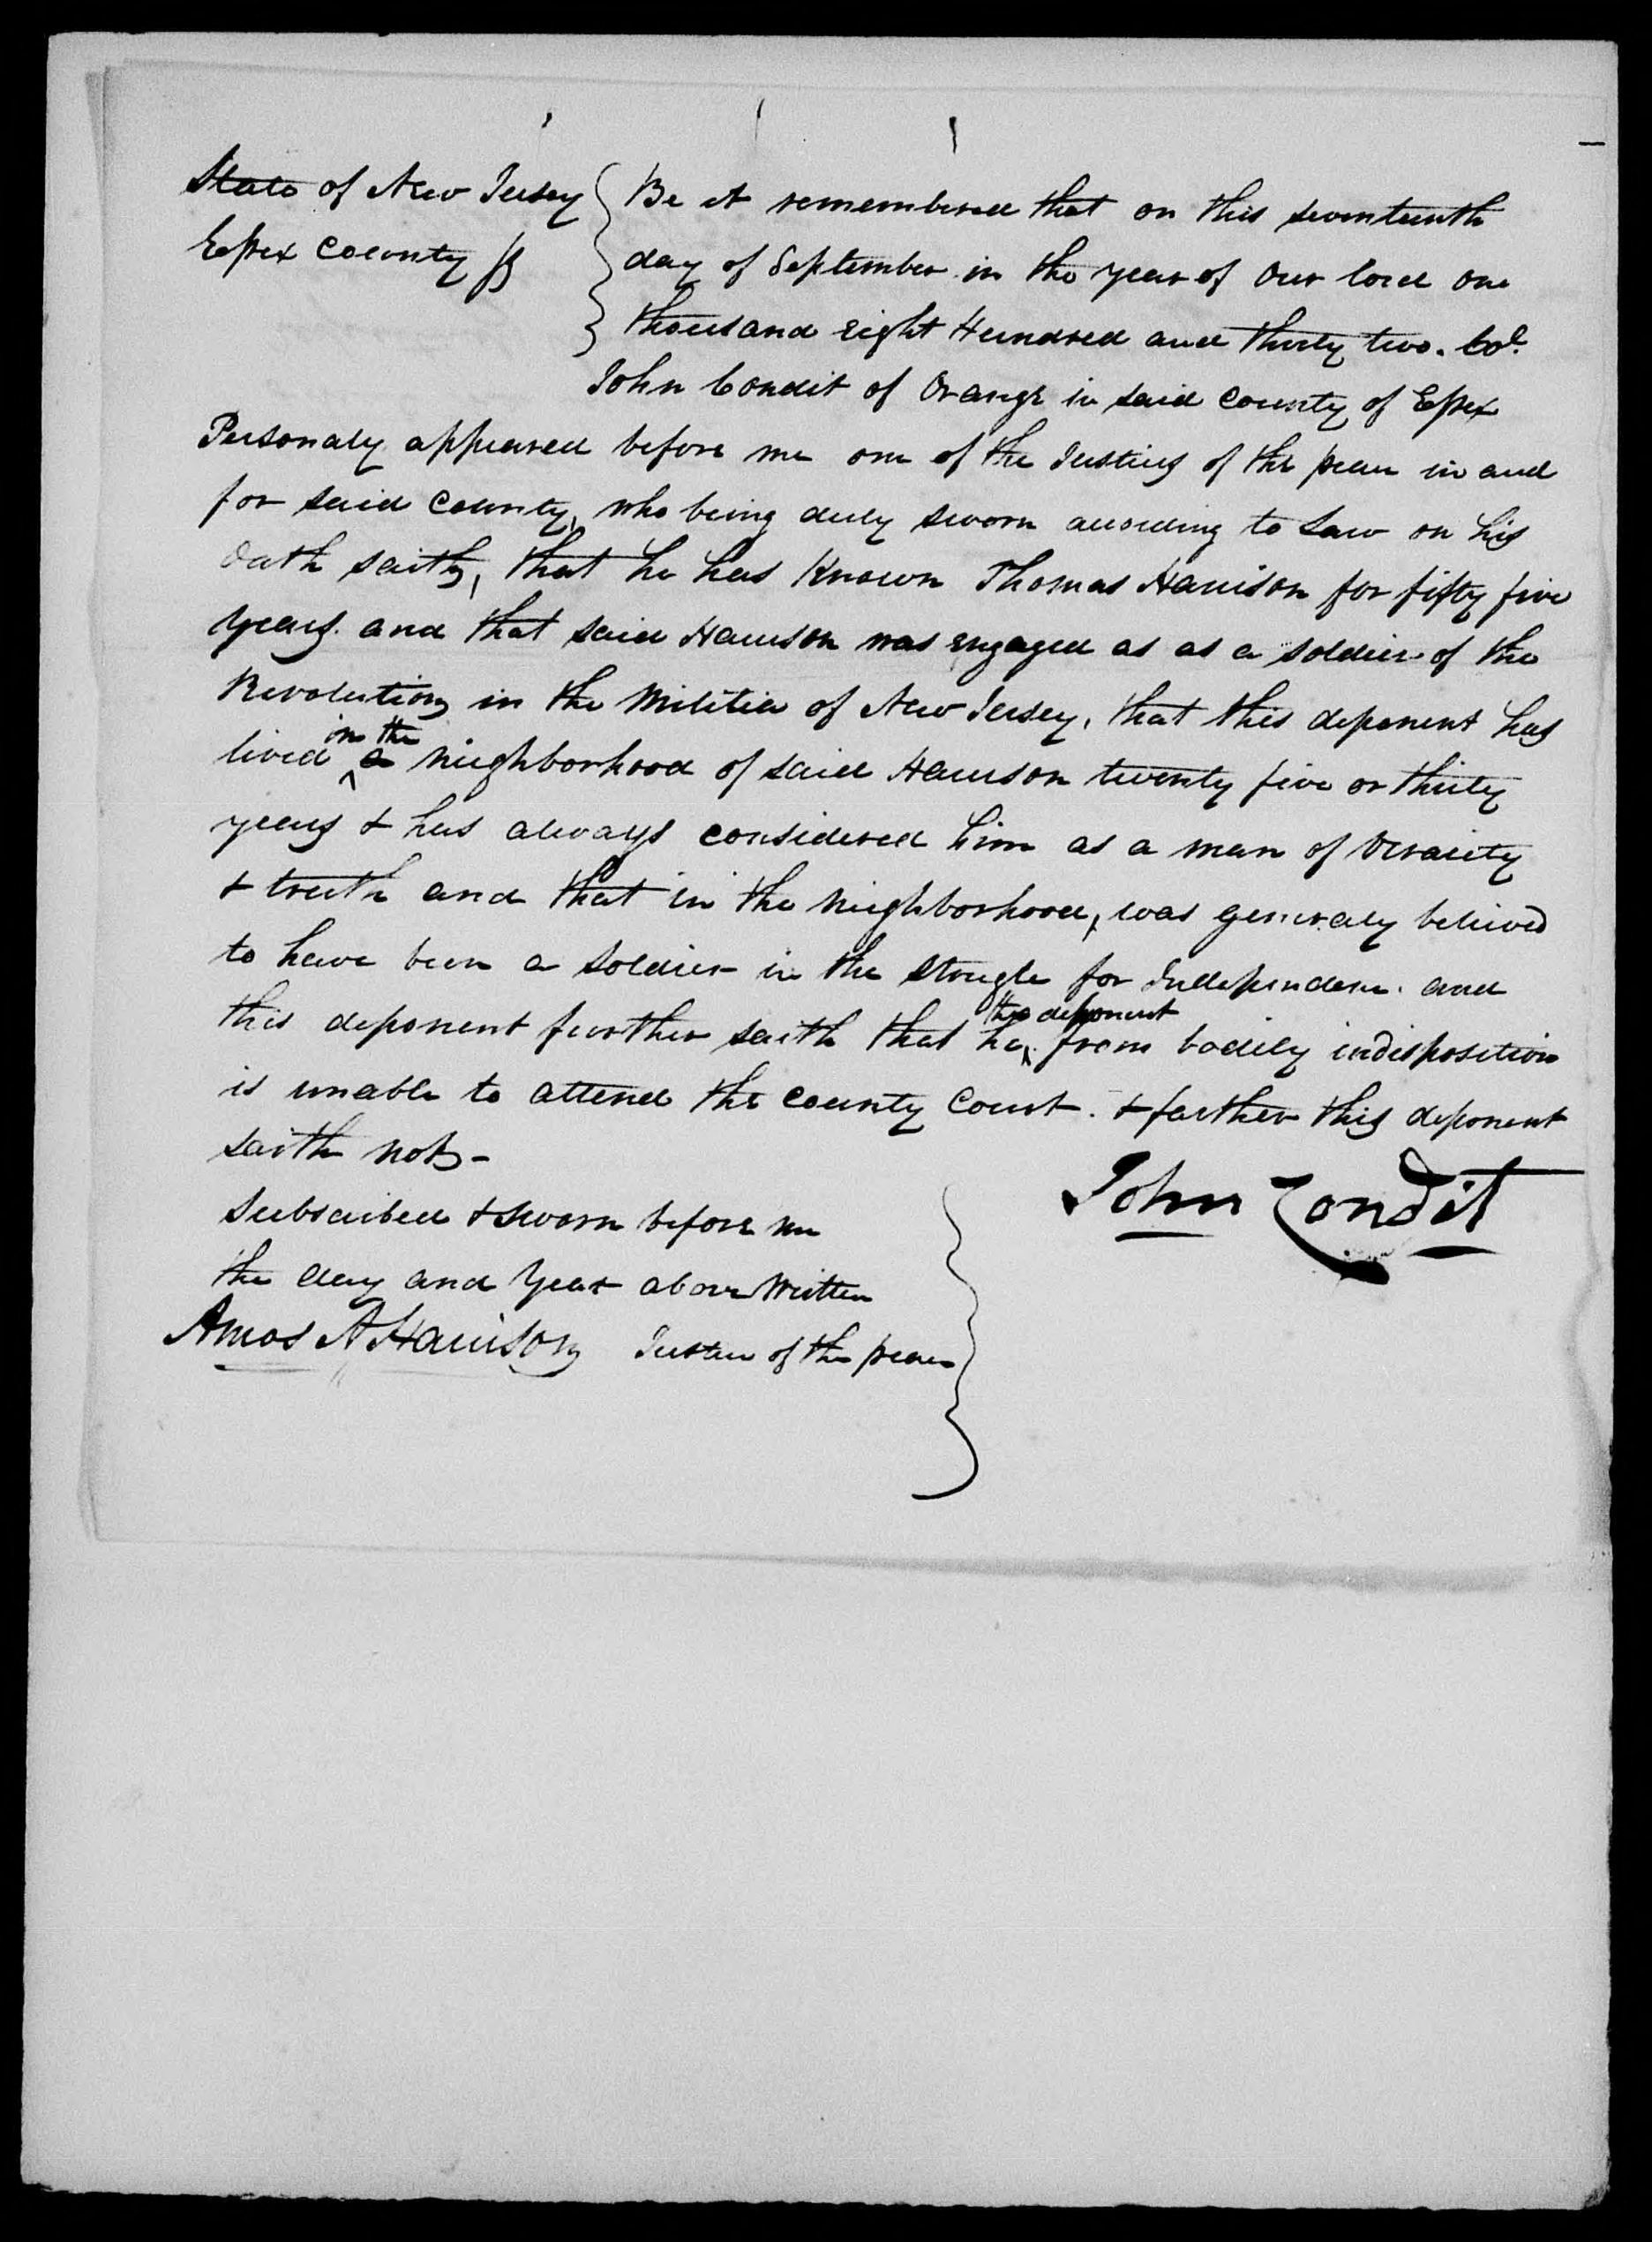State of New Jersey 
Essex County JS
Be it remembered that on this seventeenth
day of September in the year of our lord one
thousand Eight Hundred and thirty two Col. 
John Condit of Orange in said County of Essex
Personally appeared before me one of the Justices of the peace in and
for said County, who being duly sworn according to Law on his
oath saith, that he has known Thomas Harrison for fifty five
years and that said Harrison was engaged as as a soldier of the
Revolution in the Militia of New Jersey, that this deponent has
lived in the neighborhood of said Harrison twenty five or thirty
years & has always considered him as a man of veracity
& truth and that in the neighborhood, was generally believed
to have been a soldier in the struggle for Independence and
this deponent further saith that he this deponent from bodily indisposition
is unable to attend the County Court & further this deponent
saith not-
Subscribed & Sworn before me | John Condit
the day and year above written
Amos A Harrison Justice of the peace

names: Thomas Harrison, John Condit, John Condit, Amos A Harrison, Harrison, Harrison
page: 12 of 15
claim: survivor's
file: S. 883, Thomas Harrison, New Jersey